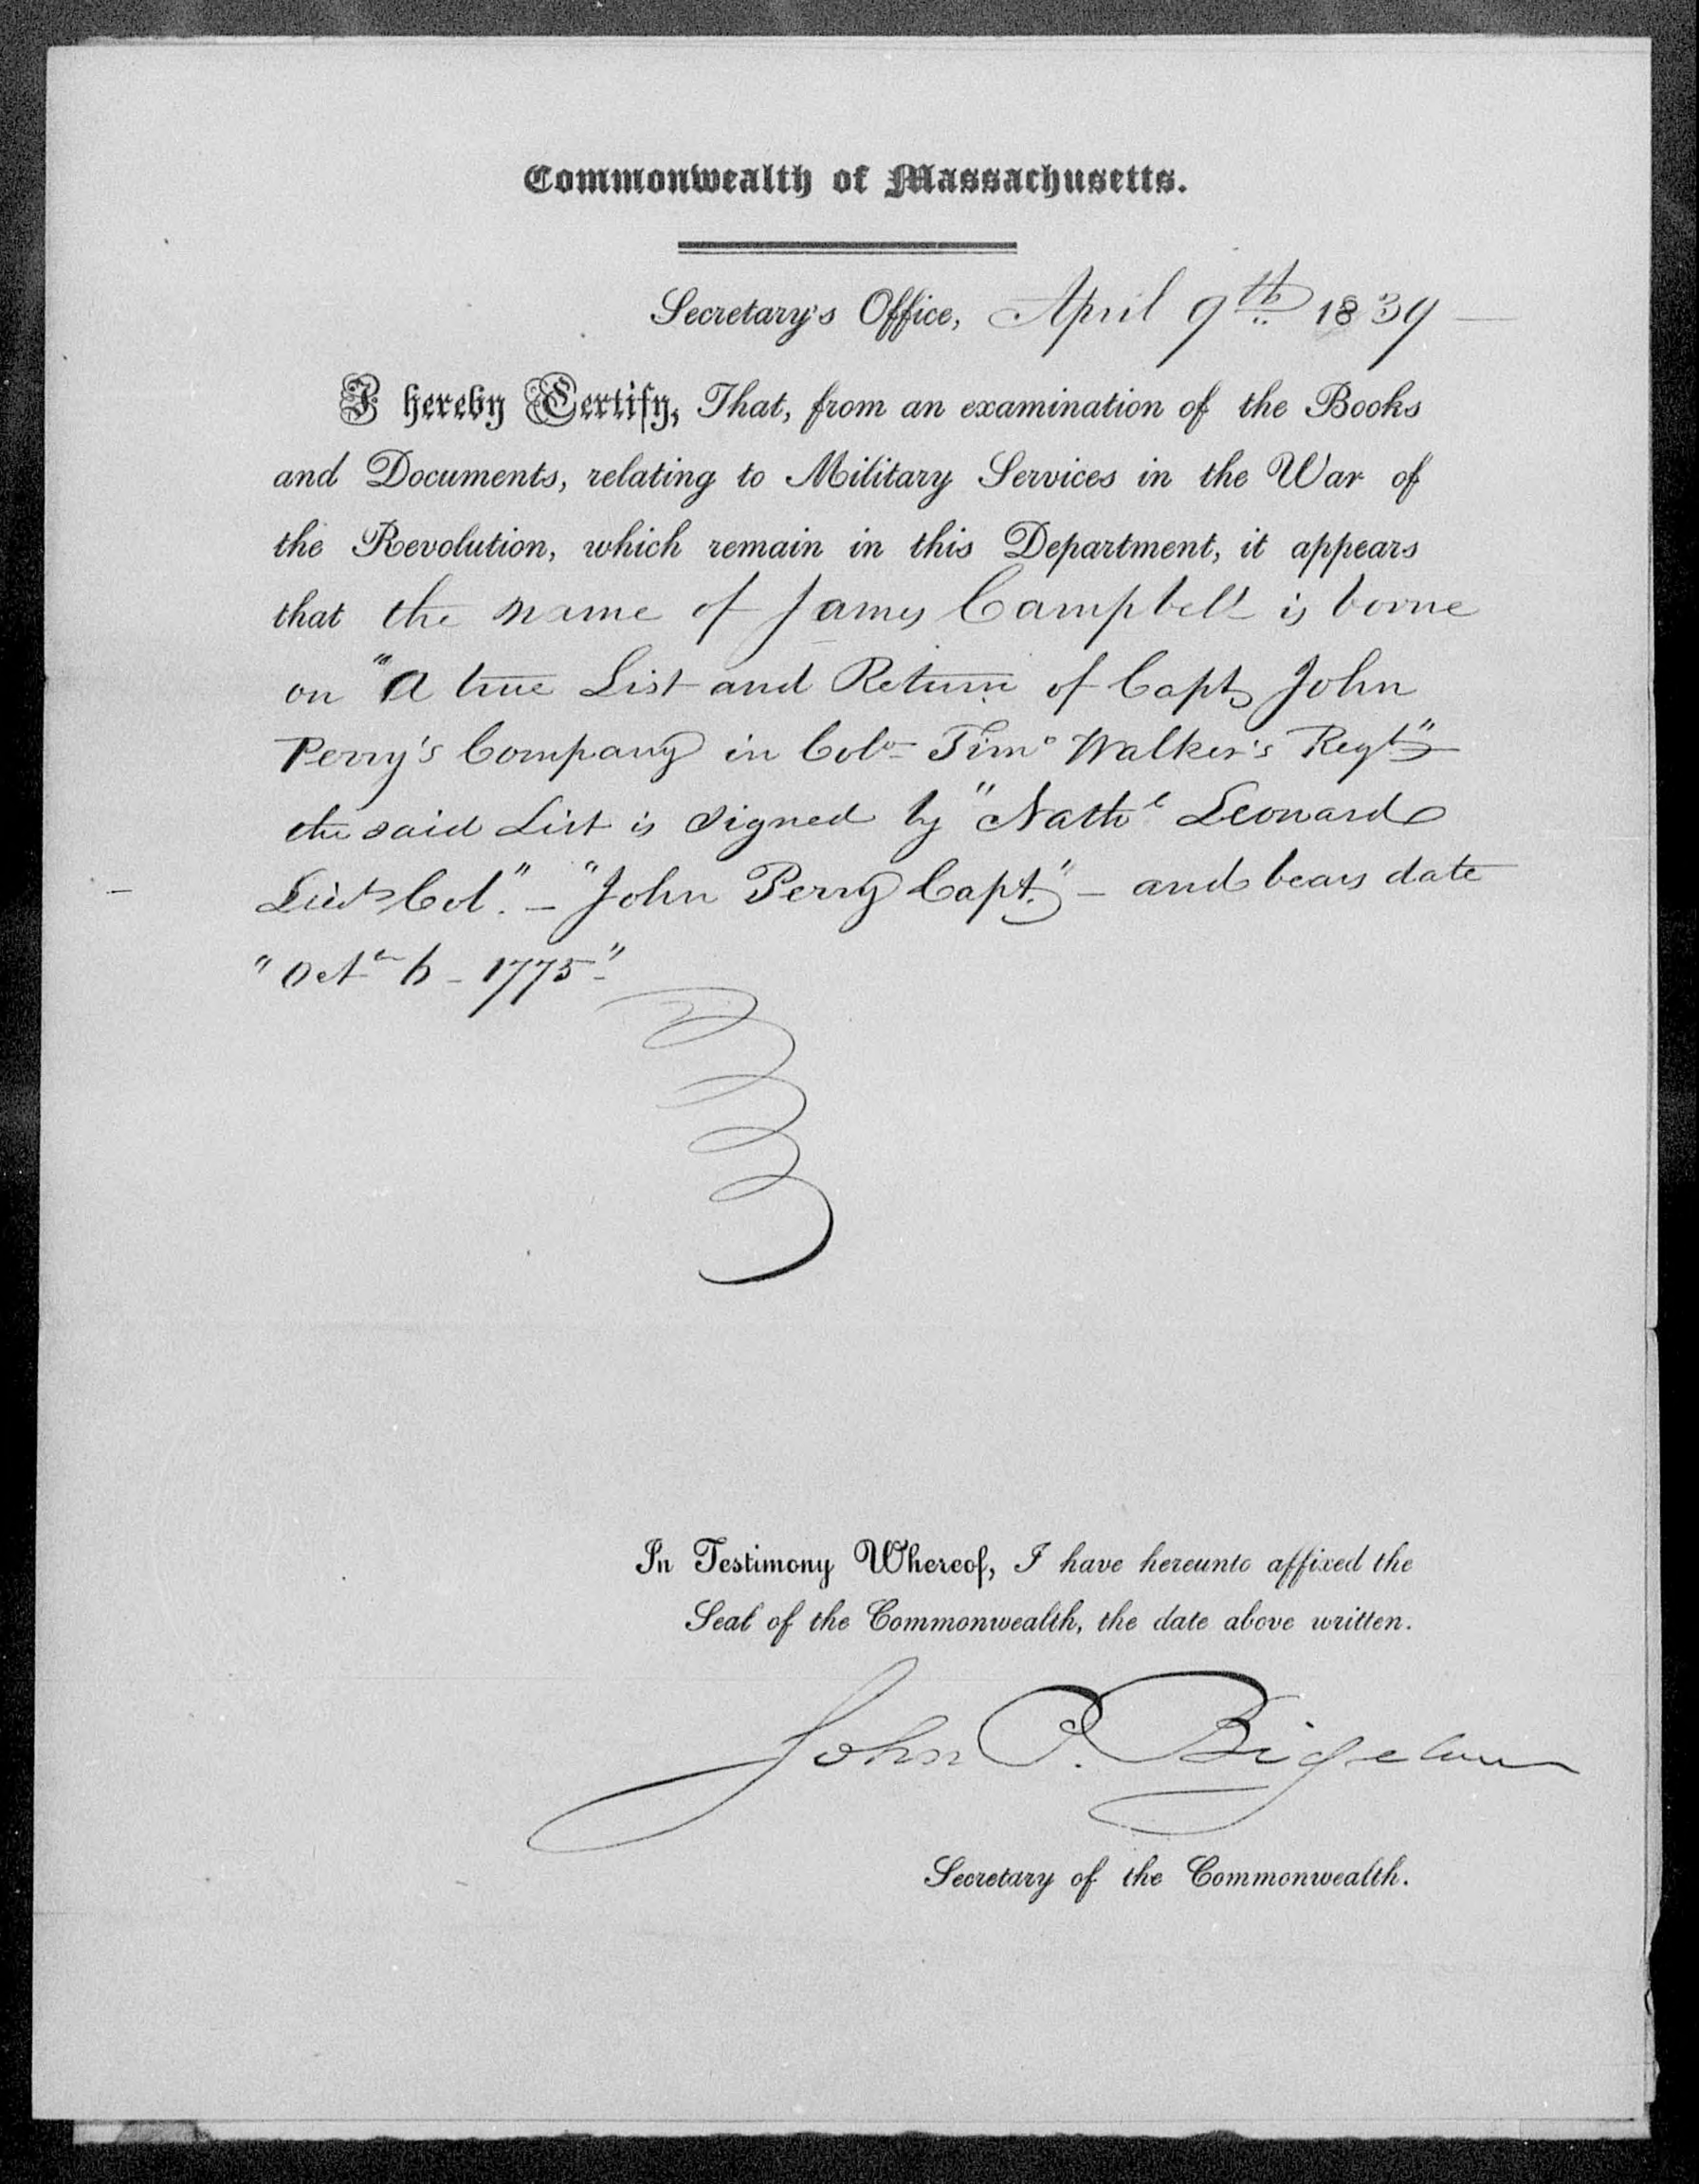Commonwealth of Massachusetts.

Secretary's Office, April 9th. 1839

I hereby Certify, That, from an examination of the Books and Documents, relating to Military Services in the War of the Revolution, which remain in this Department, it appears
that the name of James Campbell is borne on "A true list and Return of Capt. John Perry's company in Col. Timo. Walker's Regt"- the said List is signed by "Nathl. Leonard Lieut. Col." - "John Perry Capt." - and bears date "Oct 6, 1775" -

In Testimony Whereof, I have hereunto affixed the Seal of the Commonwealth, the date above written.
John P Bigelow
Secretary of the Commonwealth.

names: John Perry, Nathl Leonard, James Campbell, John P Bigelow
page: 38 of 67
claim: widow's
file: W. 23772, James Campbell, Continental Mass.